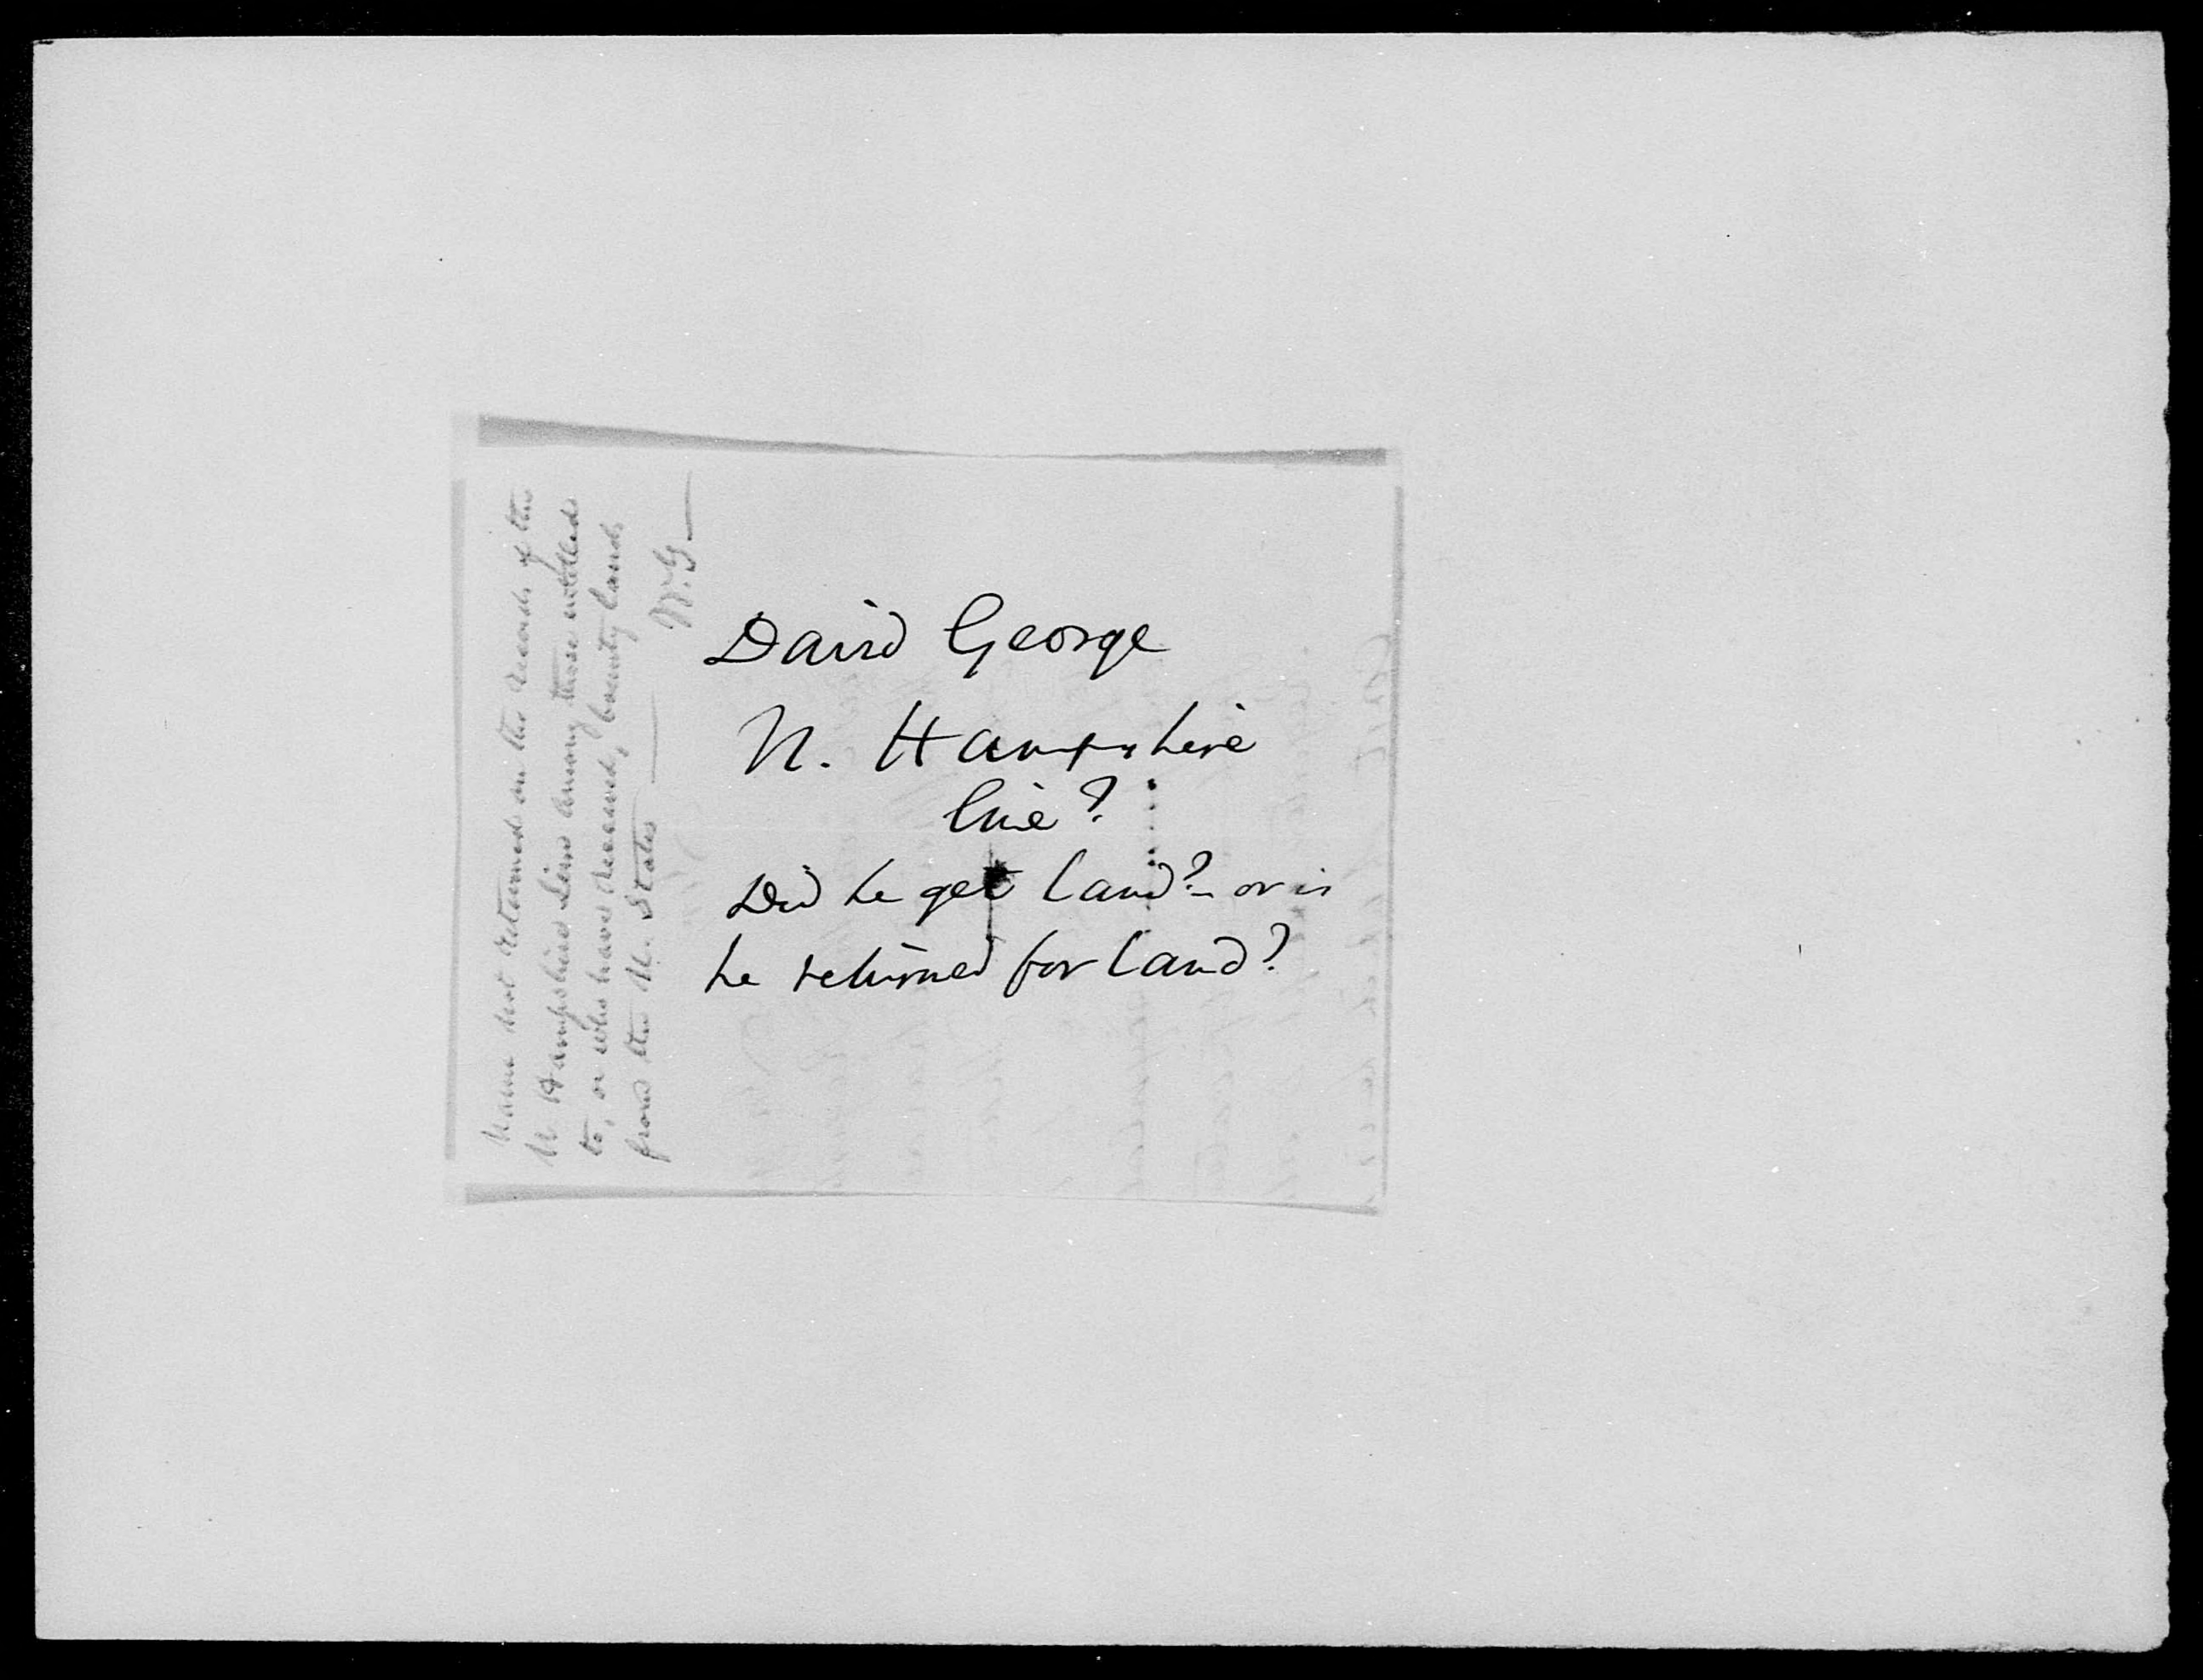(sideways) 
Name not returned  on the records of N(ew) Hampshire Line among those entitled to or who have received, bounty land, from the U(nited) States 
W.G. 

David George 
N. Hampshire 
Line? 
Did he get land? or is he (illegible) for Land?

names: David George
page: 16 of 18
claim: survivor's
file: S. 39568, David George, N.H.